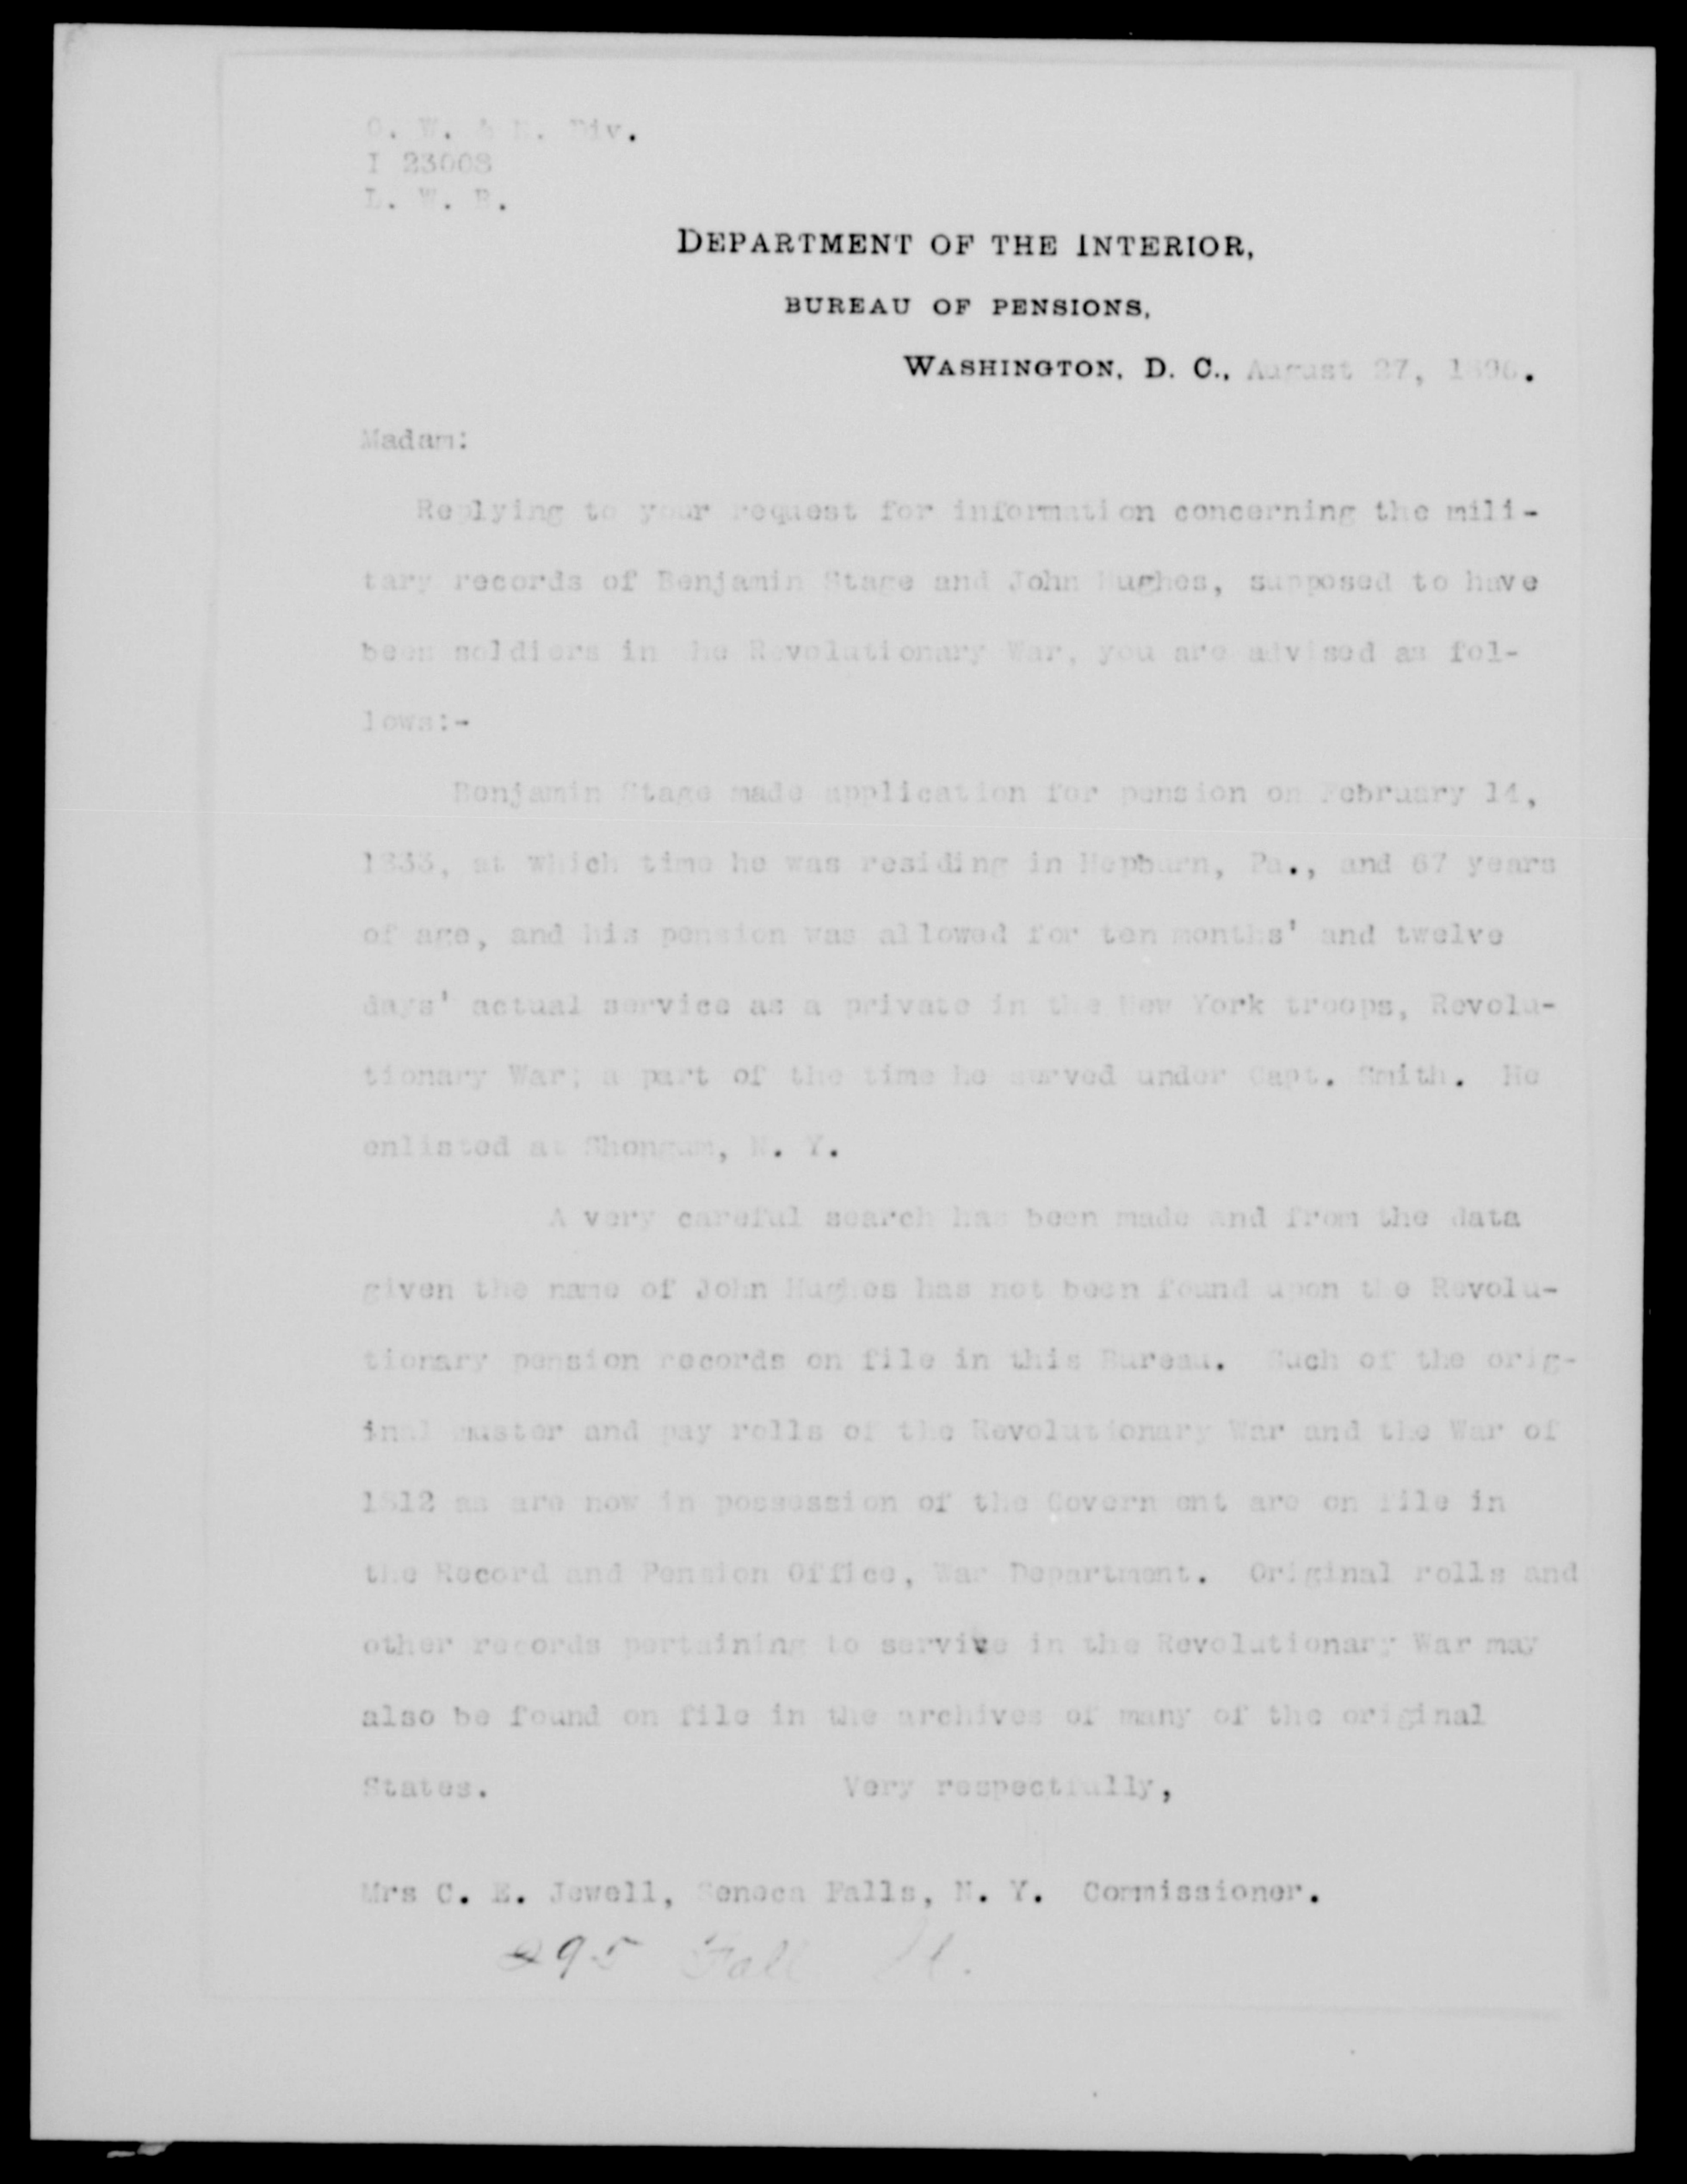O. W. & N. Div.
I 23008
L. W. B. 
Department of the Interior,
Bureau of Pensions,
Washington, D. C. August 27, 1896.
Madam:
Replying to your request for information concerning the military records of Bejamin Stage and John Hughes, supposed to have been soldiers in the Revolutionary War, you are advised as follows:
Benjamin Stage made application for pension on February 14, 1833, at which time he was residing in Hepburn, Pa., and 67 years of age, and his pension was allowed for ten months' and twelve days' actual service as a private in the New York troops, Revolutionary War; a part of the time he served under Capt. Smith.  He enlisted at Shongum, N.Y.
A very careful search has been made and from the data given the name of John Hughes has not been found upon the Revolutionary pension records on file in this Bureau. Much of the original muster and pay rolls of the Revolutionary War and the War of 1812 as are now in possession of the Government are on file in the record and Pension Office, War Department. Original rolls and other records pertaining to service in the Revolutionary War may also be found on file in the archives of many of the original States.
Very respectfully,
Mrs. C. E. Jewell, Seneca Falls, N.Y. Commissioner.
295 Fall St.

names: Benjamin Stage; John Hughon; John Hughon; C E Jewell; Benjamin Stage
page: 21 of 23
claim: survivor's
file: S. 23008, for Benjamin Stage, New York